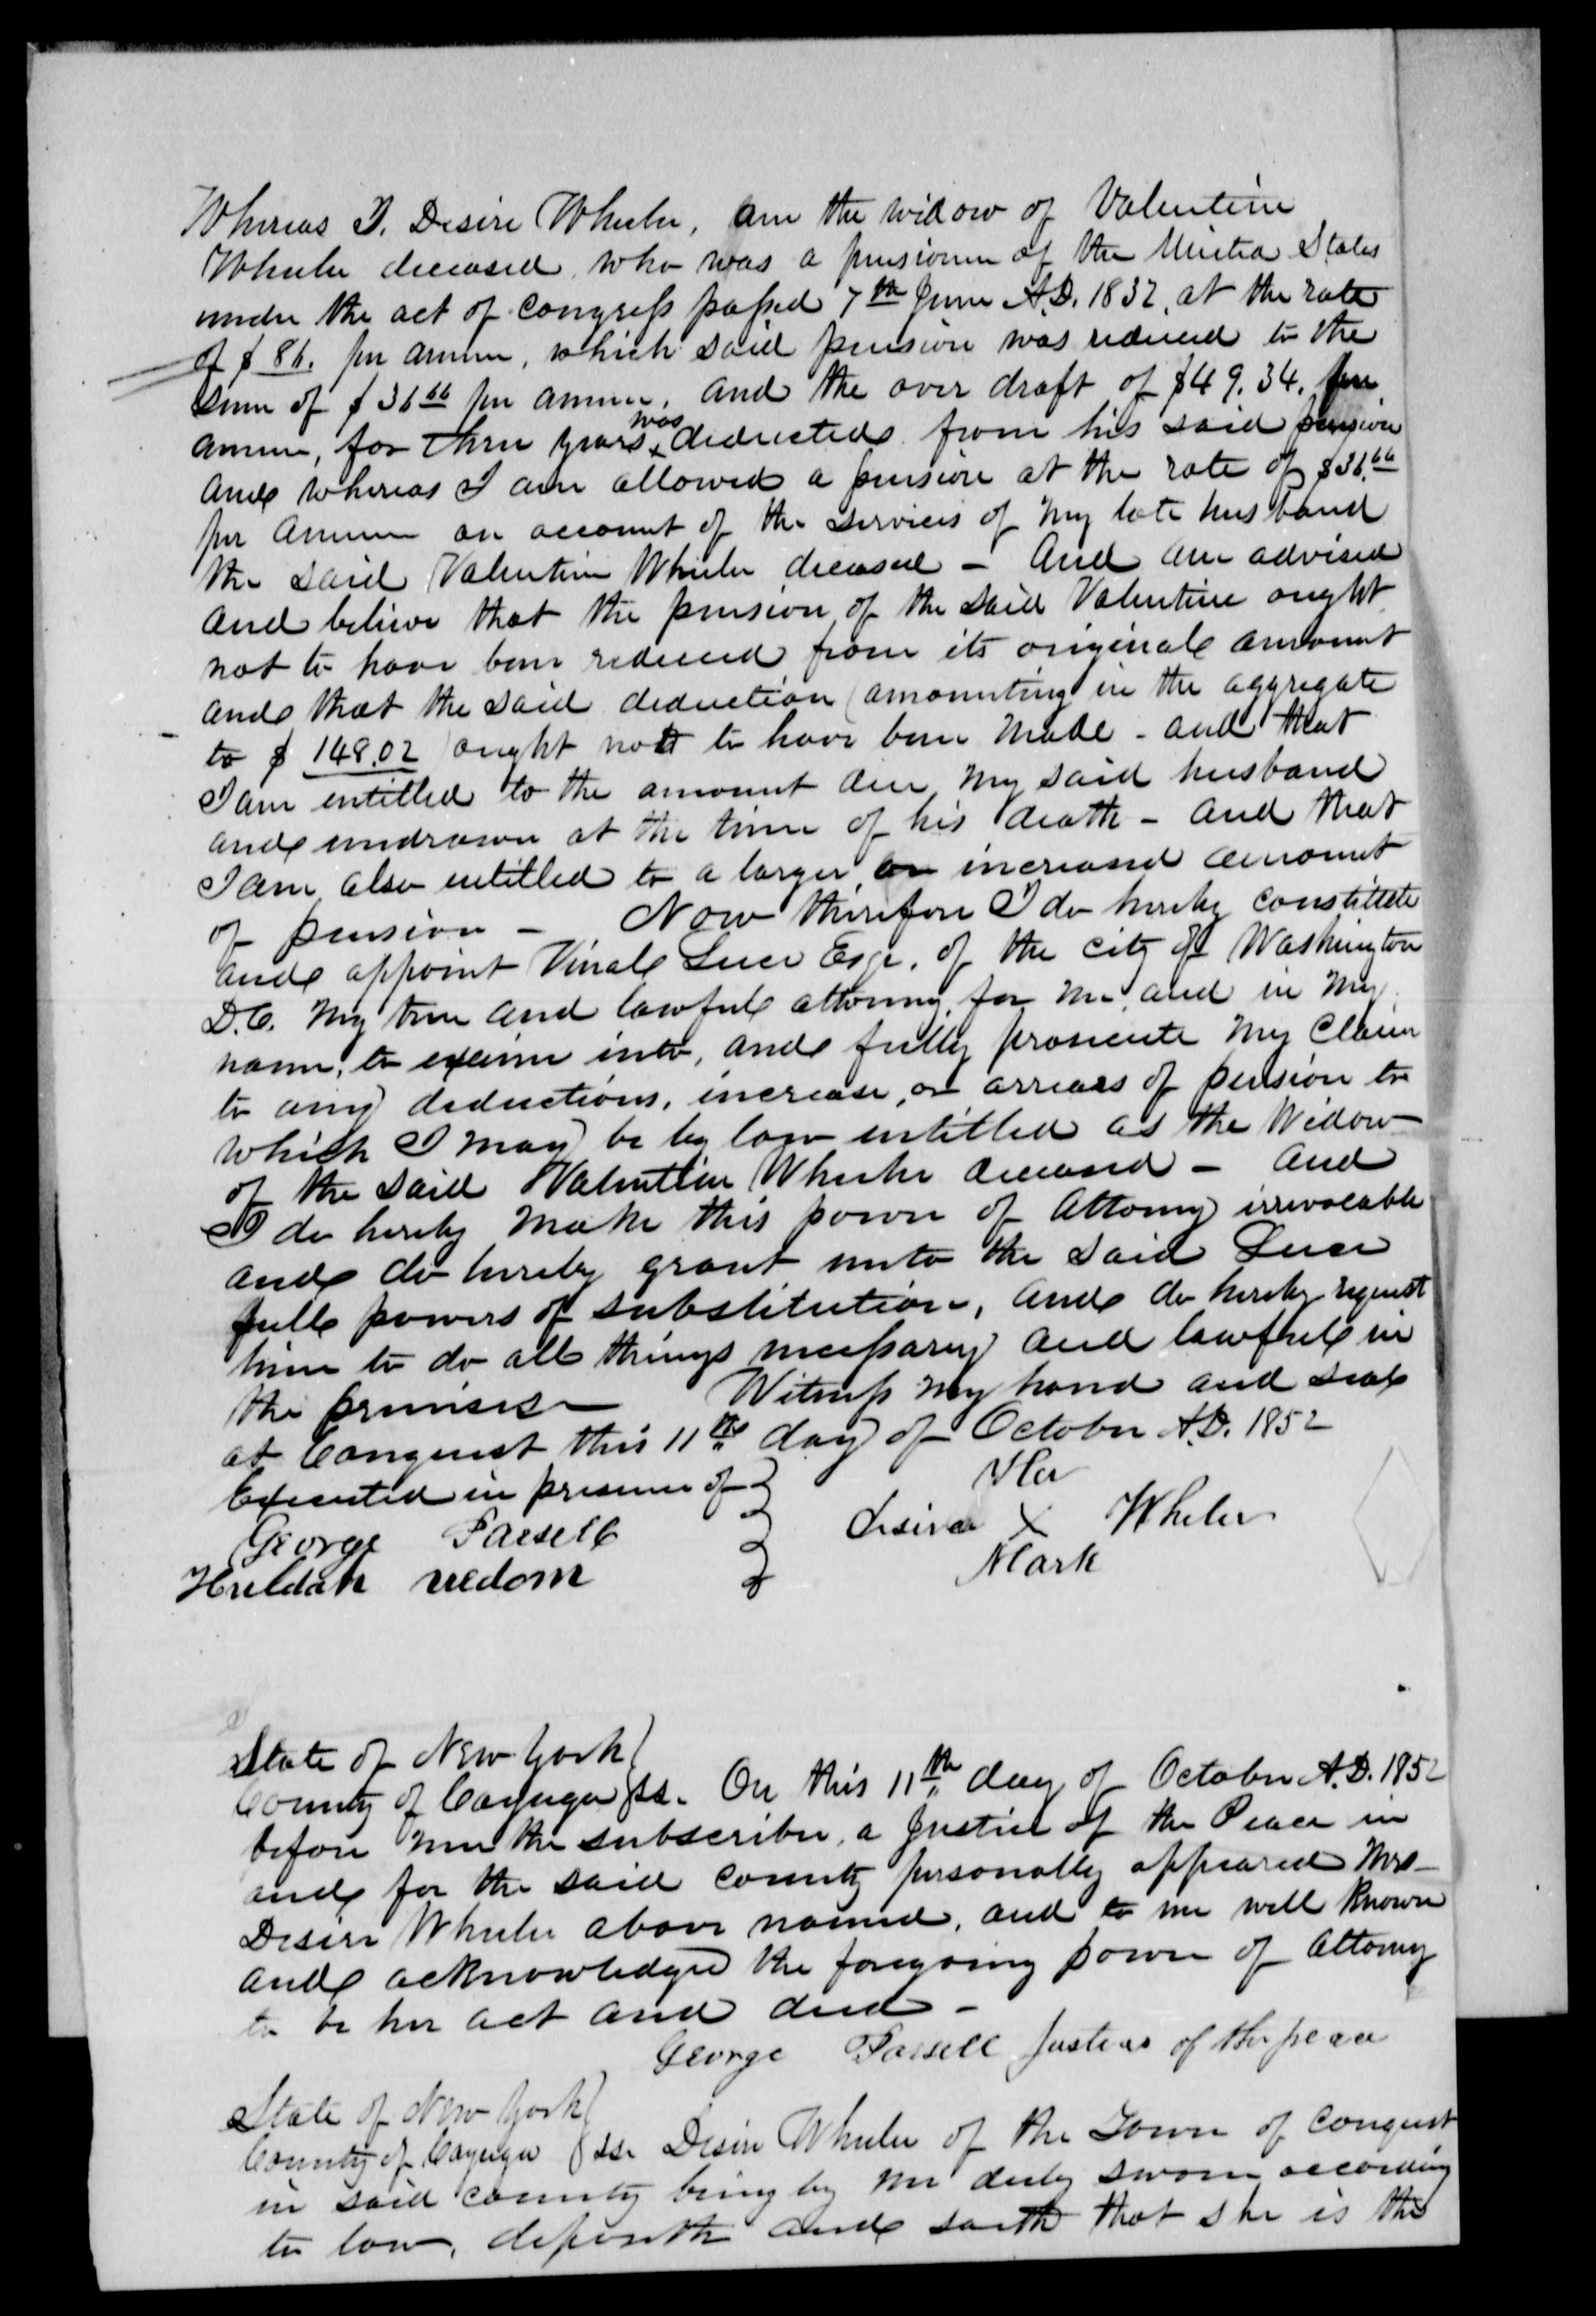Whereas I, Desire Wheeler am the widow of Valentine Wheeler deceased, who was a pensioner of the United States under the act of Congress passed 7th June A. D. 1832 at the rate of $86. per annum which said pension was reduced to the sum of $36.66 per ann. and the over draft of $49.34 per annum for three years was deducted from his said pension and whereas I am allowed a pension at the rate of $36.66 per annum on account of the services of my late husband the said Valentine Wheeler, deceased. And am advised and believe that the pension of the said Valentine ought not to have been reduced from its original amount and that the said deductionn (amounting in the aggregate to $148.02) ought not to have been made. And that I am entitled to the amount due my said husband undrawn at the time of his death. And that I am also entitled to a larger or increased amount of pension. Now therefore I do hereby constitute and appoint Vinal Luce Esqr. of the City of Washington D. C. my true and lawful attorney for me and in my name to examine into and fully prosecute my claim to any deductions, increase or arrears of pension to which I may be by law entitled as the widow of the said Valentine Wheeler deceased. and I do hereby make this power of Attorney irrevocable and do hereby grant unto the said Luce full powers of substitution, and do hereby request him to do all things necessary and lawful in the premises. 
Witness my hand and seal at Conquest this 11th day of October A. D. 1852.
Desire  X  Wheler
her mark
Executed in presence of
George Parsell
Huldah Wedom

State of New York
County of Cayuga ss
On this 11th day of October Aa. D. 1852 before me the subscriber a Justice of the Peace in and for the said county personally appeared Mrs. Desire Wheeler above named, and to me well known and acknowledged the foregoing power of Attorney to be her act and deed.
George Parsell Justice of the peace

State of New York
County of Cayuga ss
Desire Wheeler of the Town of Conquest in said county being by me duly sworn according to law deposeth and saith that she is the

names: Vinall Luce, George Parsell, Desire Wheeler, Desire Wheler, Huldah Wedom, Valentine Wheeler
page: 94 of 98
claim: widow's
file: W. 1682, Valentine Wheeler, Mass.